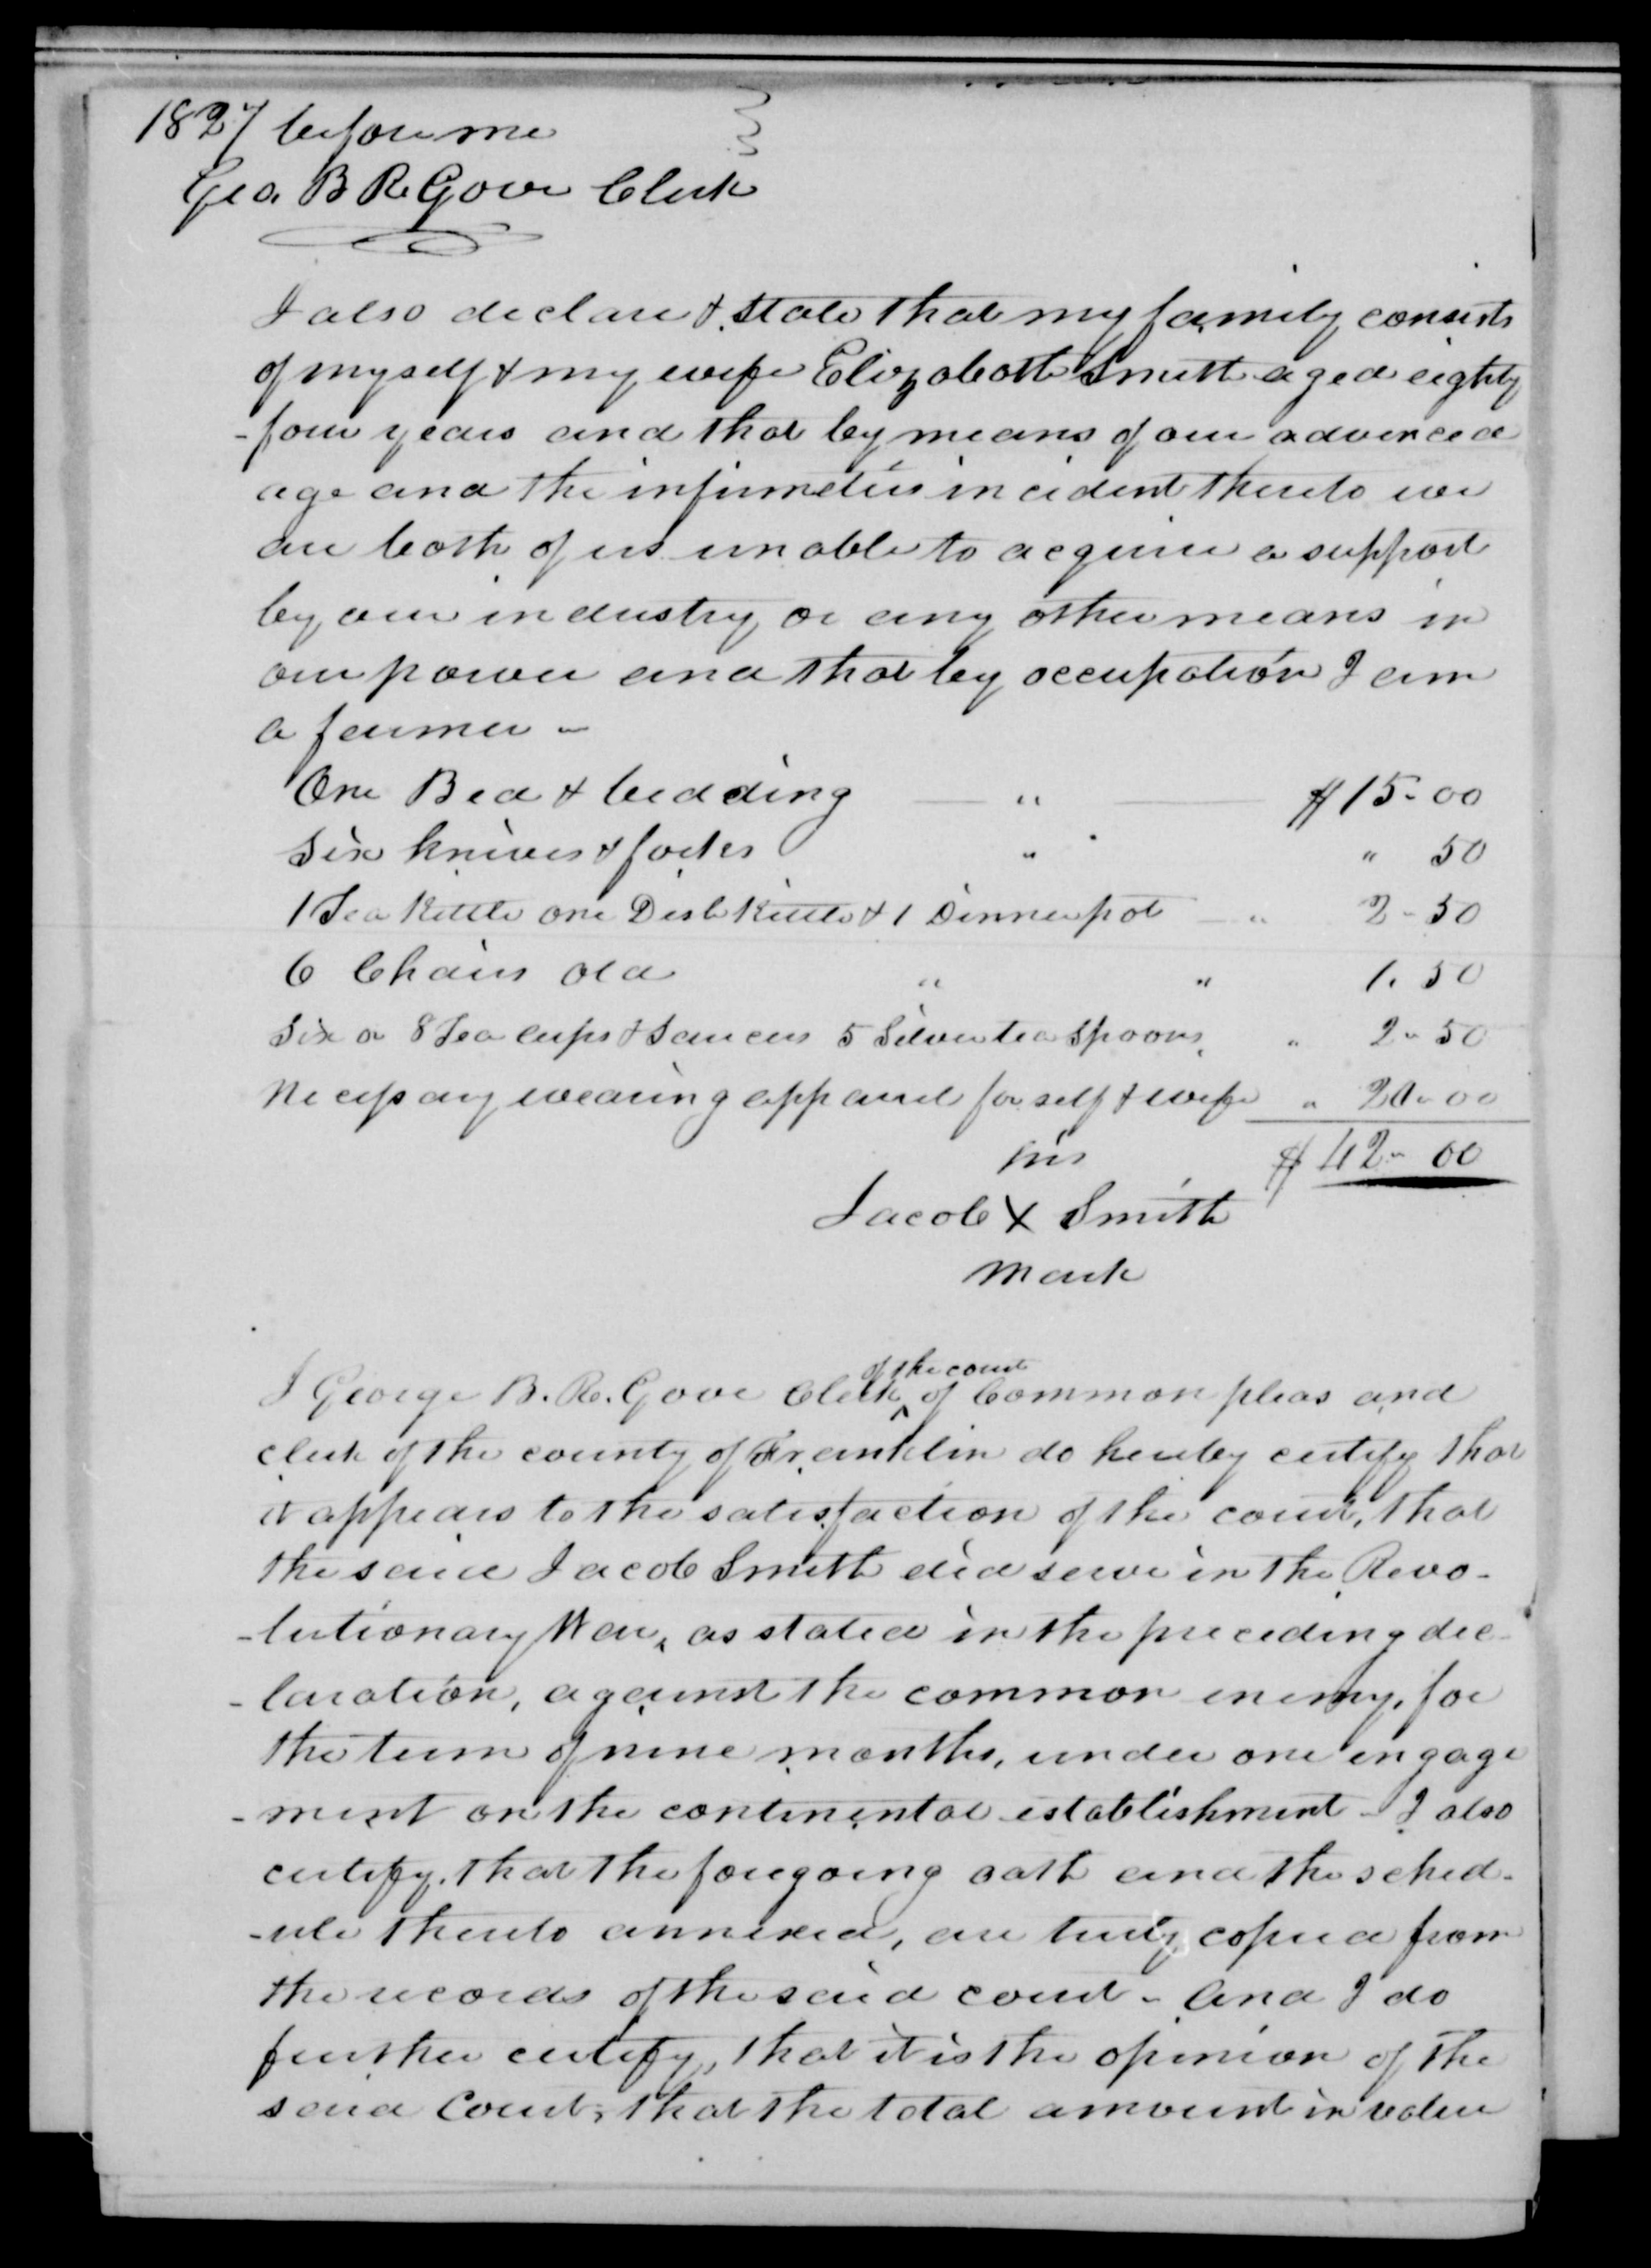1827 before me Geo. [George] B R Gov Clerk }
I also declare & state that my family consists of myself & my wife Elizabeth Smith aged eighty-four years and that by means of our advanced age and the infirmities incident thereto we  are  both of us unable to acquire a support by our industry or any other means in our power and that by occupation I am a farmer -
One Bed & bedding - " - $15.00
Six knives & forks - " -  ..50
1 Tea Kettle one Dish Kettle & 1 Dinner pot - " -  2.50
6 Chairs old  " "  1.50
Six or 8 Tea cups & saucers 5 Silver teaspoons " 2.50
Necessary wearing apparel for self & wife " 20.00
        $42.00

       his
Jacob X Smith
     mark

I George B. R. Gove Clerk of the court of Common pleas and clerk of the county of Franklin do hereby certify that it appears to the satisfaction of the court, that the said  Jacob Smith did serve in the Revolutionary War, as stated in the preceding declaration, against the common enemy, for the term on nine months under one engagement on the continental establishment - I also certify, that the foregoing oath and the schedule thereto annexed, are truly copied from the records of the said court - And I do further certify, that it is the opinion of the said court, that the tottal amount in value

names: George B R Gove; Elizabath Smith; Jacob Smith; Geo B R Gove; Jacob Smith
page: 6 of 15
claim: survivor's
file: S. 43157, for Jacob Smith, Vermont